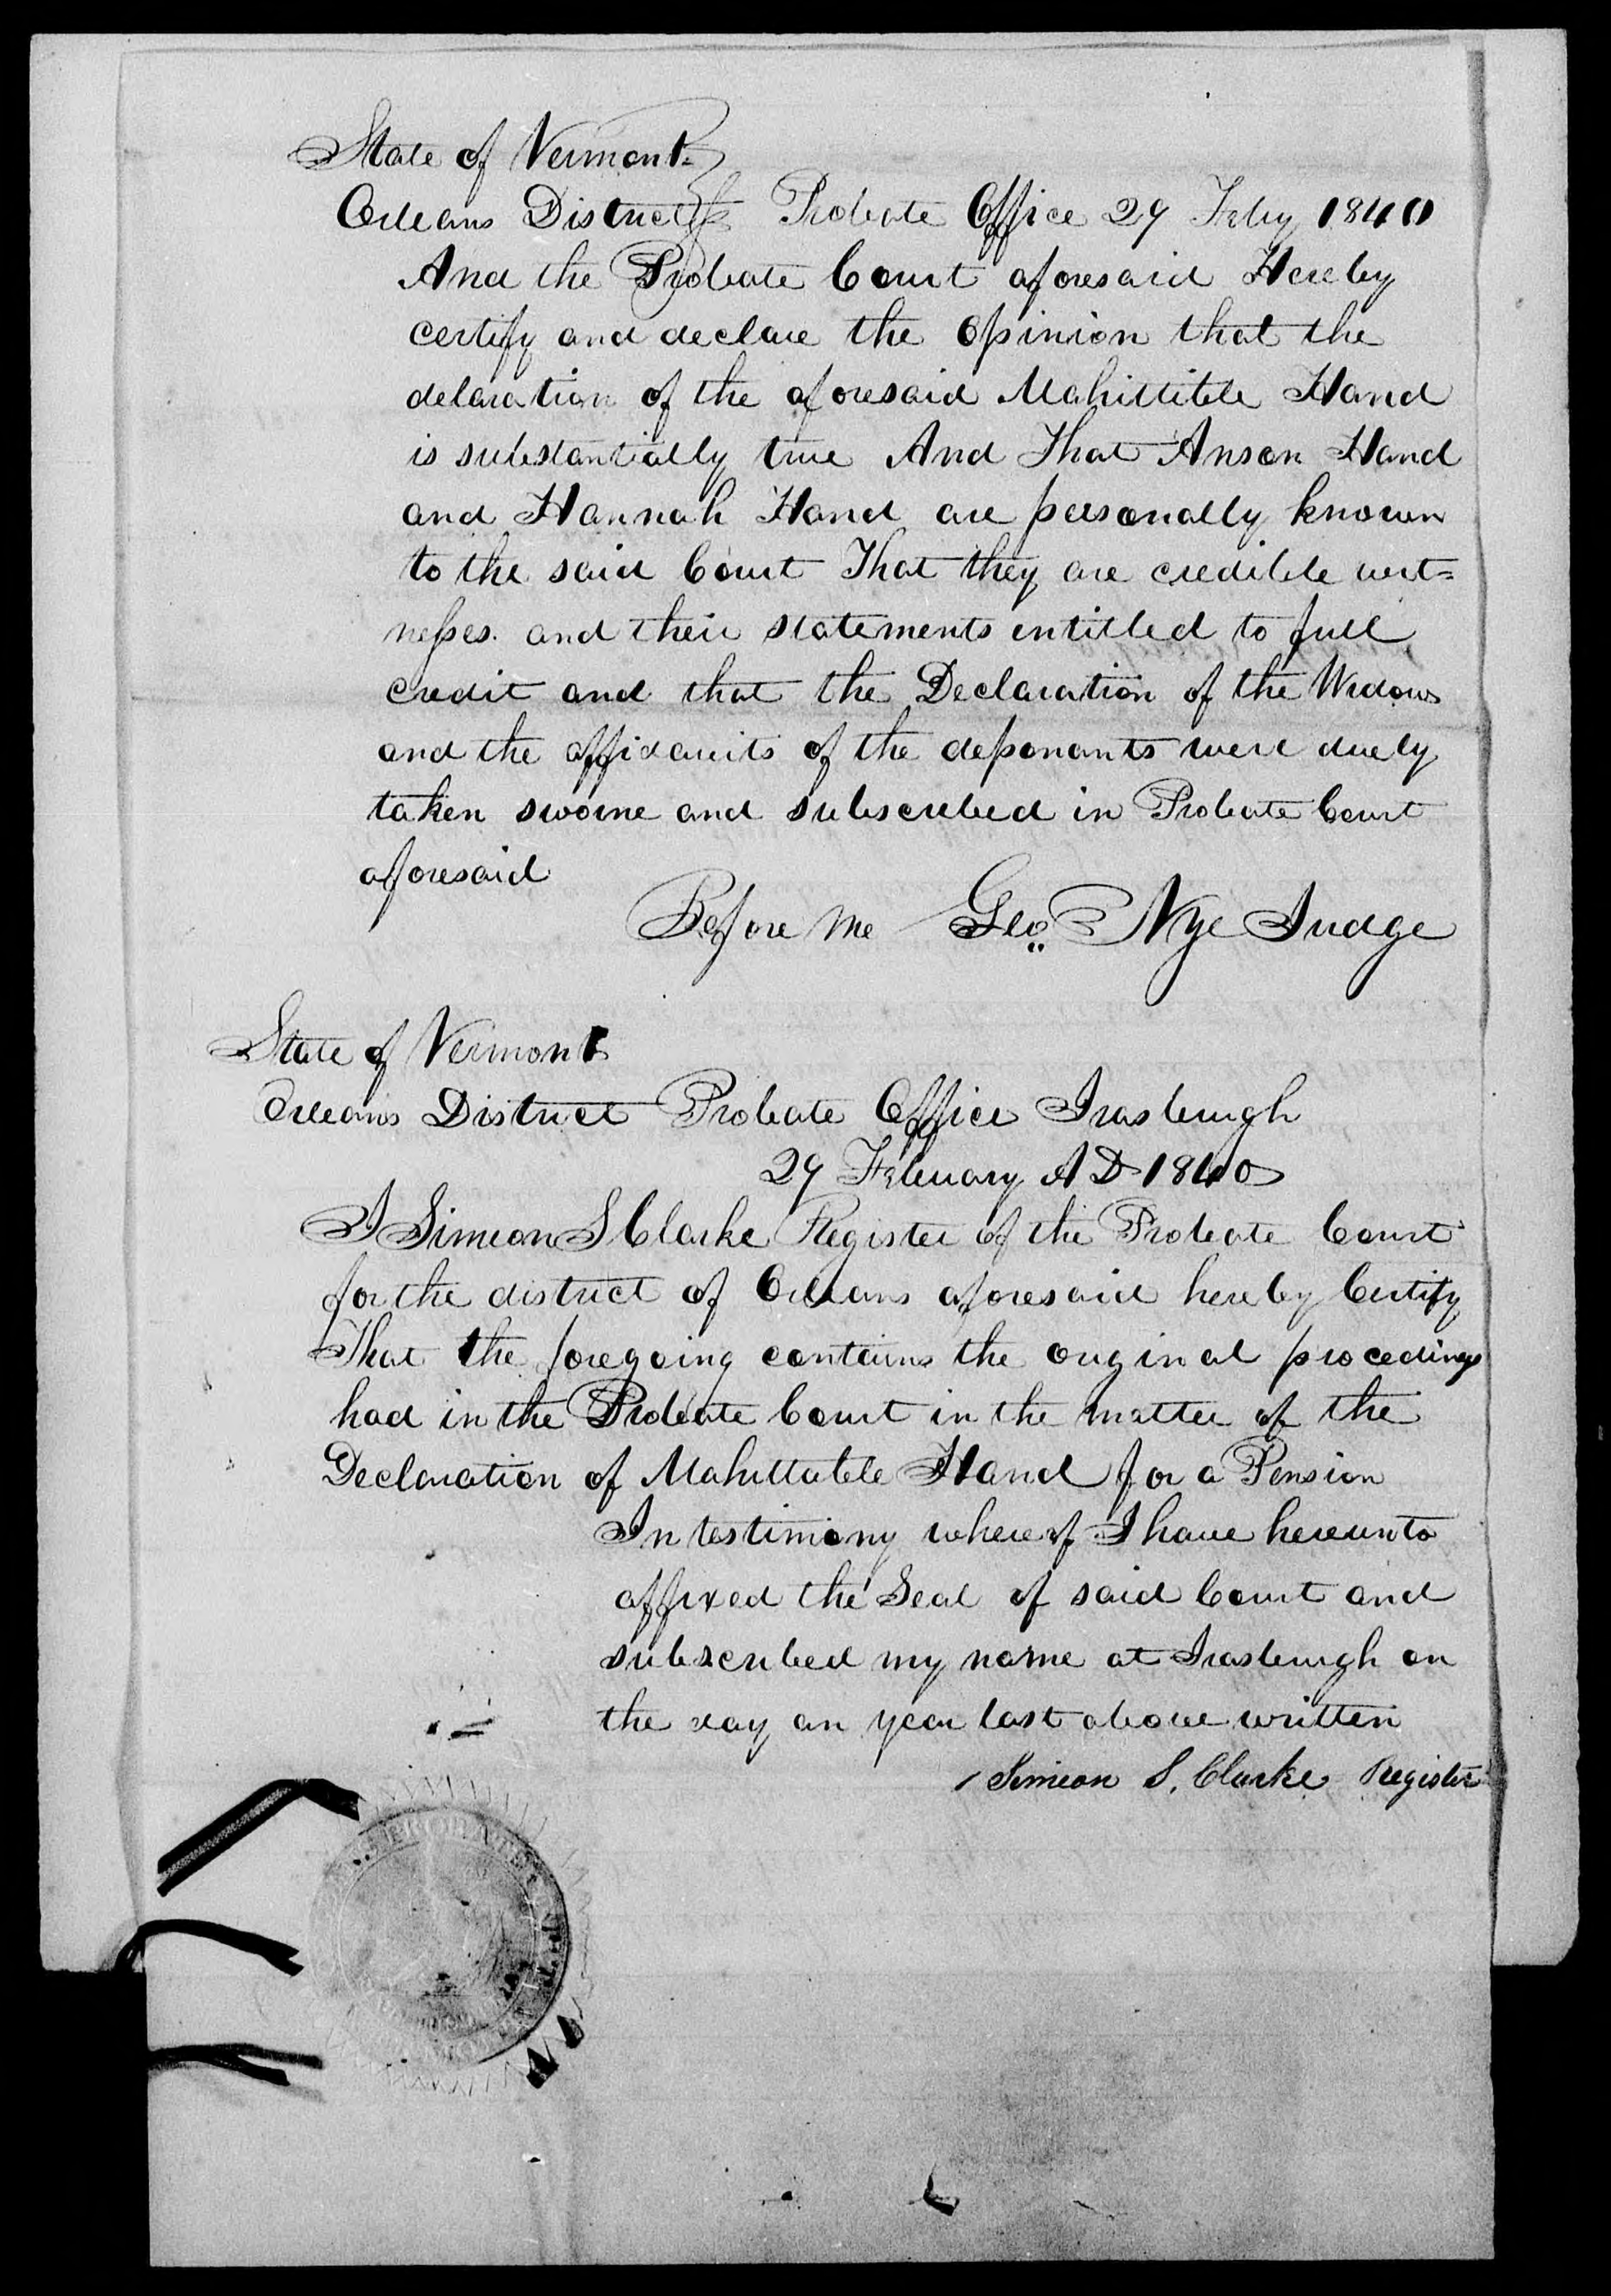State of Vermont
Orleans District Probate Office 29 Feby 1840
And the Probate Court aforesaid hereby
certify and declare the opinion that the
declaration of the aforesaid Mahittible Hand
is substantially true And that Anson Hand
and Hannah Hand are personally known
to the said Court That they are credible witnesses, and their statements entitled to full
credit and that the Declaration of the Widow
and the affidavits of the deponents were duly
taken sworn and subscribed in Probate Court
aforesaid
Before me Geo. Nye Judge

State of Vermont
Orleans District Probate Office Irasburgh
29 February AD 1840
Simeon S. Clarke Register of the Probate Court
for the district of Orleans aforesaid hereby certify That the foregoing contains the original procedings had in the Probate Court in the matter of the Declaration of Mahitable Hand for a Pension In testimony whereof I have hereunto affixed the Seal of said Court and
subscribed my name at Irasburgh on
the day and year last above written
Simeon S. Clarke Register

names: Mahittible Hand, Anson Hand, Mahittable Hand, Simeon S Clarke, Simeon S Clarke, Hannah Hand, Geo Nye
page: 9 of 42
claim: widow's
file: W. 19,722, Ira Hand, N.H. Vt.